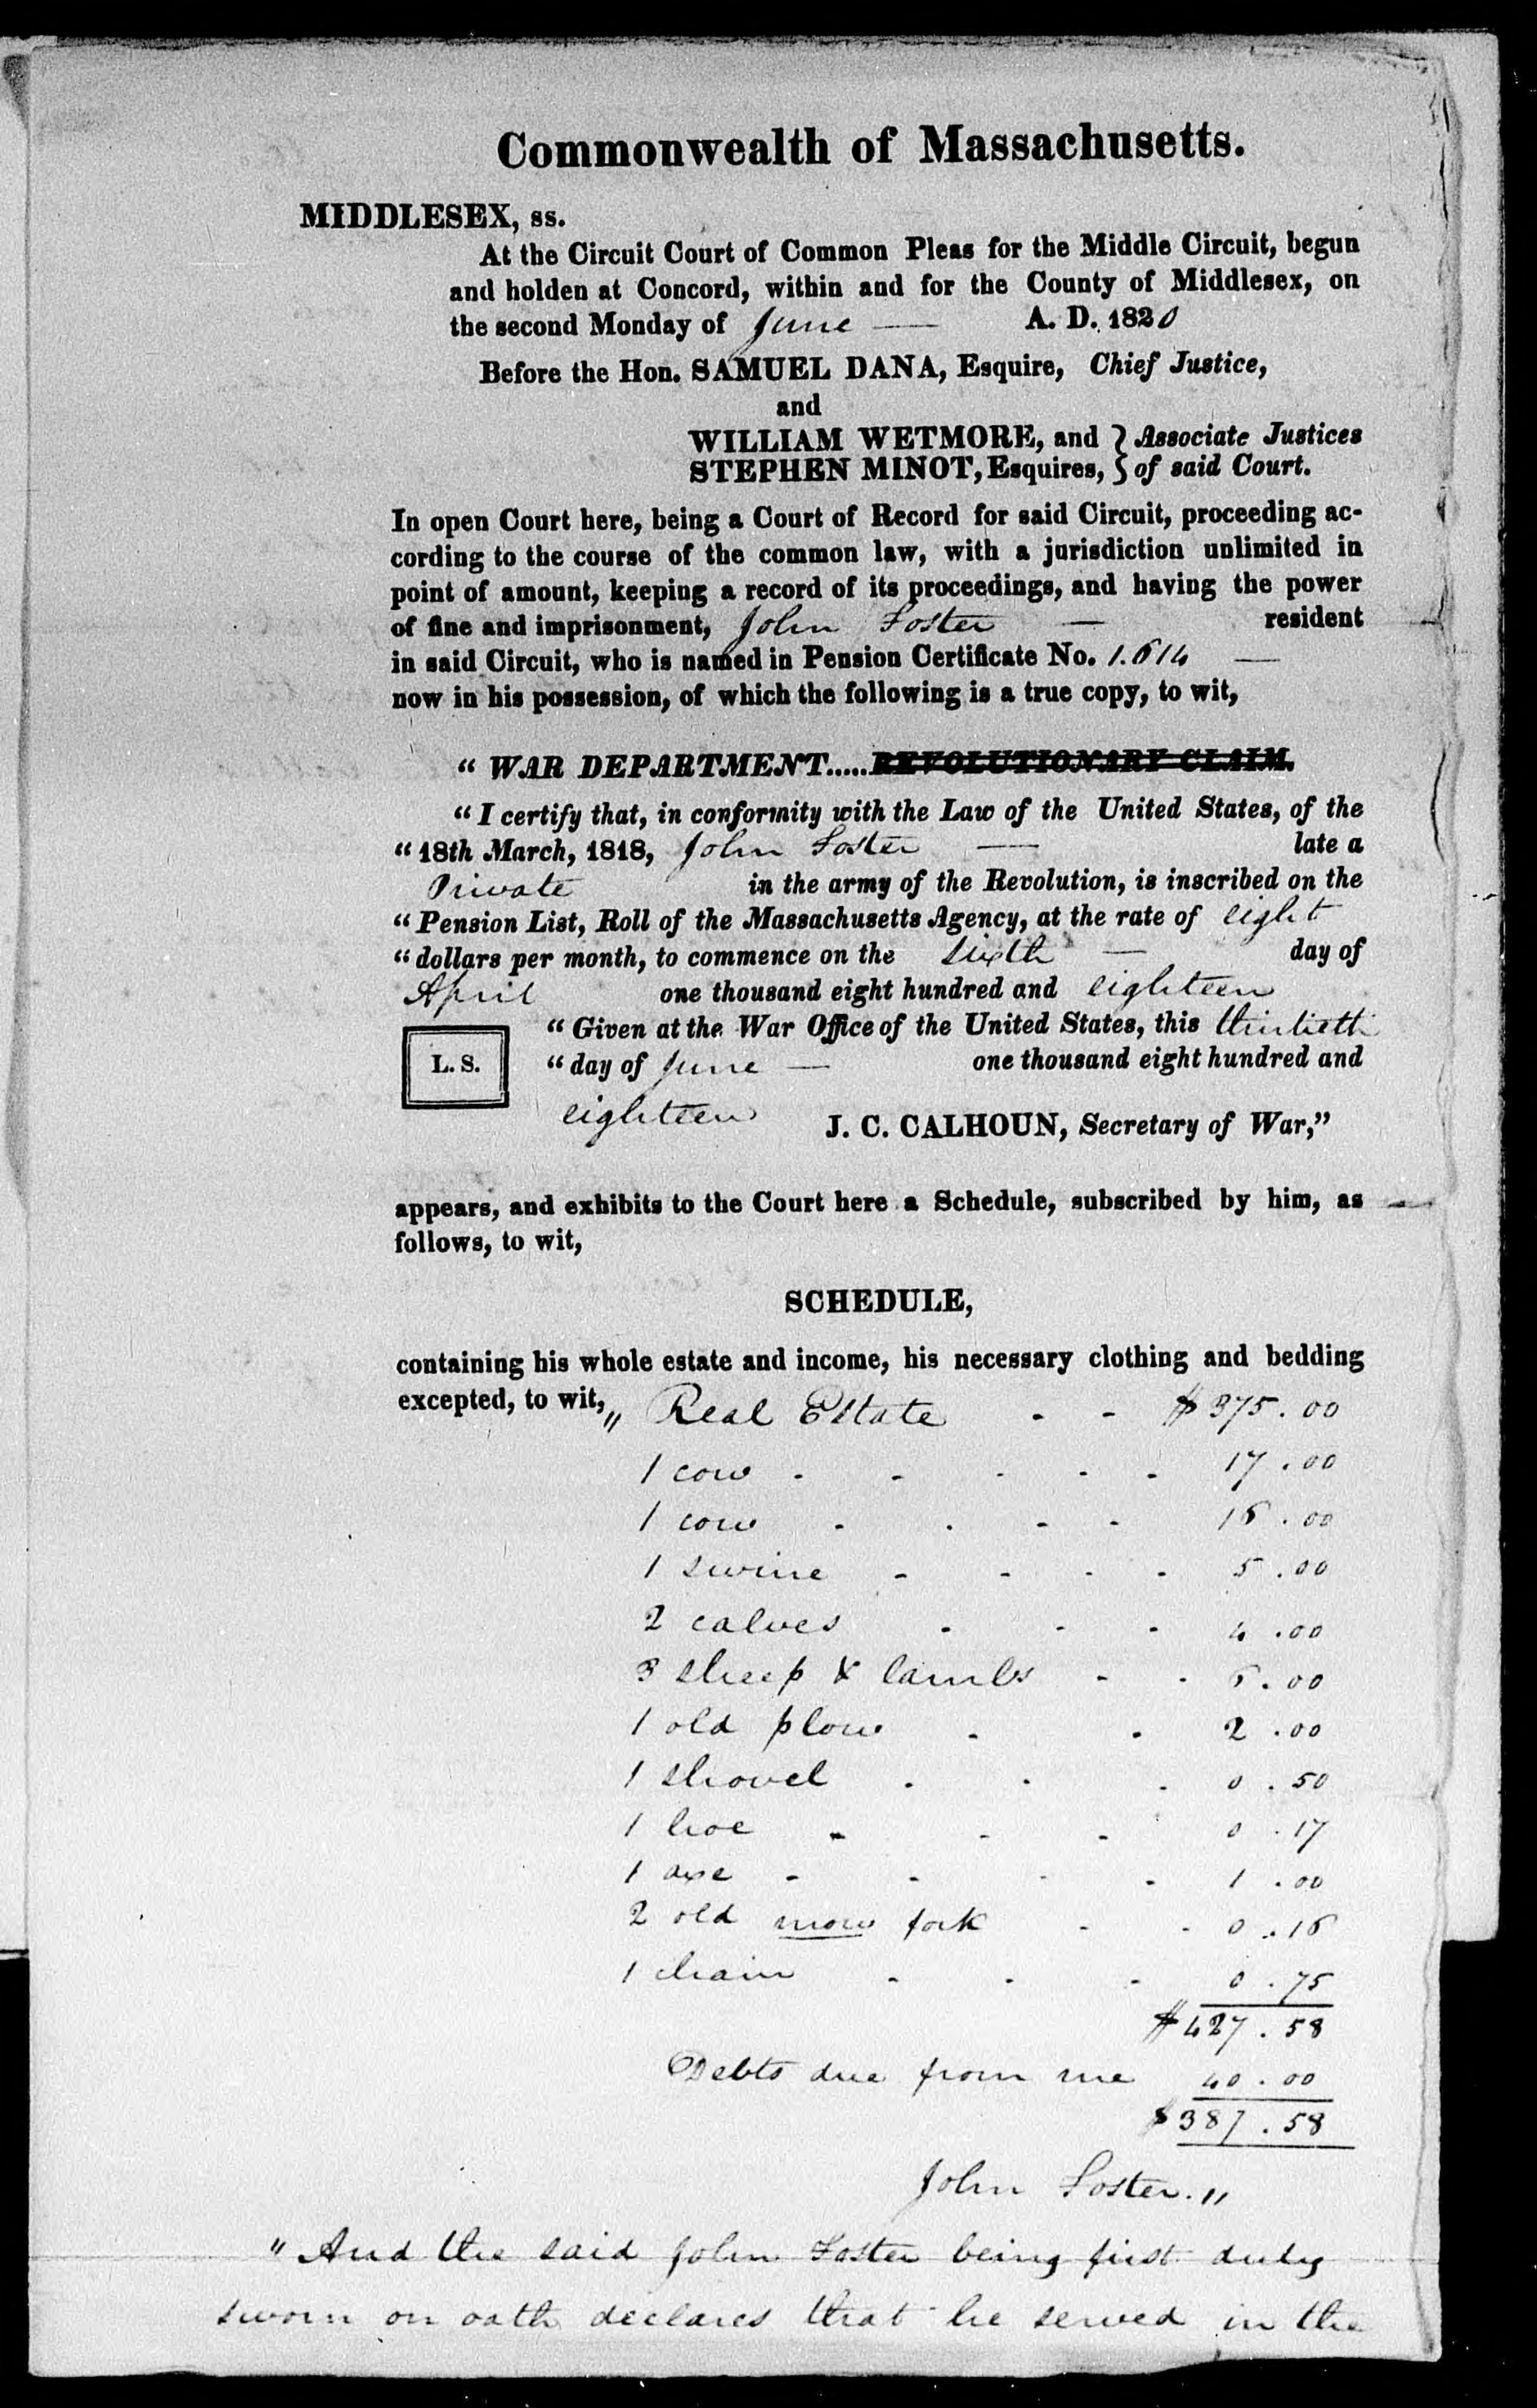Commonwealth of Massachusetts.
MIDDLESEX, ss.
At the Circuit Court of Common Pleas for the Middle Circuit, begun and holden at Concord, within and for the County of Middlesex, on the second Monday of June A. D. 1820
Before the Hon. SAMUEL DANA, Esquire, Chief Justice, and
WILLIAM WETMORE, and } Associate Justices
STEPHEN MINOT, Esquires, } of said Court.
In open Court here, being a Court of Record for said Circuit, proceeding according to the course of the common law, with a jurisdiction unlimited in point of amount, keeping a record of its proceedings, and having the power of fine and imprisonment, John Foster resident in said Circuit, who is named in Pension Certificate No. 1,614 now in his possession, of which the following is a true copy, to wit,
"WAR DEPARTMENT.....["REVOLUTIONARY CLAIM" crossed out]. 
"I certify that, in conformity with the Law of the "United States, of the 18th March, 1818, John "Foster late a Private in the army of the "Revolution, is inscribed on the Pension List, "Roll of the Massachusetts Agency, at the rate of eight dollars per month, to commence on the sixth day of April one thousaned eight hundred and eighteen
"Given at the War Office of the United States, "this thirtieth day of June- one thousand eight hundred and eighteen
J. C. CALHOUN, Secretary of War,"
Note:  Initials L. S. 
appears, and exhibits to the Court here a Schedule, subscribed by him, as follows, to wit,
SCHEDULE,
containing his whole estate and income, his nevessary clothing and bedding excepted, to wit,
"Real Estate  $375.00
1 cow  17.00
1 cow  16.00
1 swine  5.00
2 calves  4.00
3 sheep & lambs  6.00
1 old plow  2.00
1 shovel  0.50
1 hoe  0.17
1 axe 1.00
2 old mow fork  0.16
1 chain  0.75
$427.58
Debts due from me  40.00
$387.58
John Foster"
"And the said John Foster being first duly sworn on oath declares that he served in the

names: Stephen Minot, John Foster, Samuel Dana, John Foster, William Wetmore, John Foster, John Foster, J C Calhoun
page: 8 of 47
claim: widow's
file: W. 7,302, John Foster, Continental Mass. R.I.